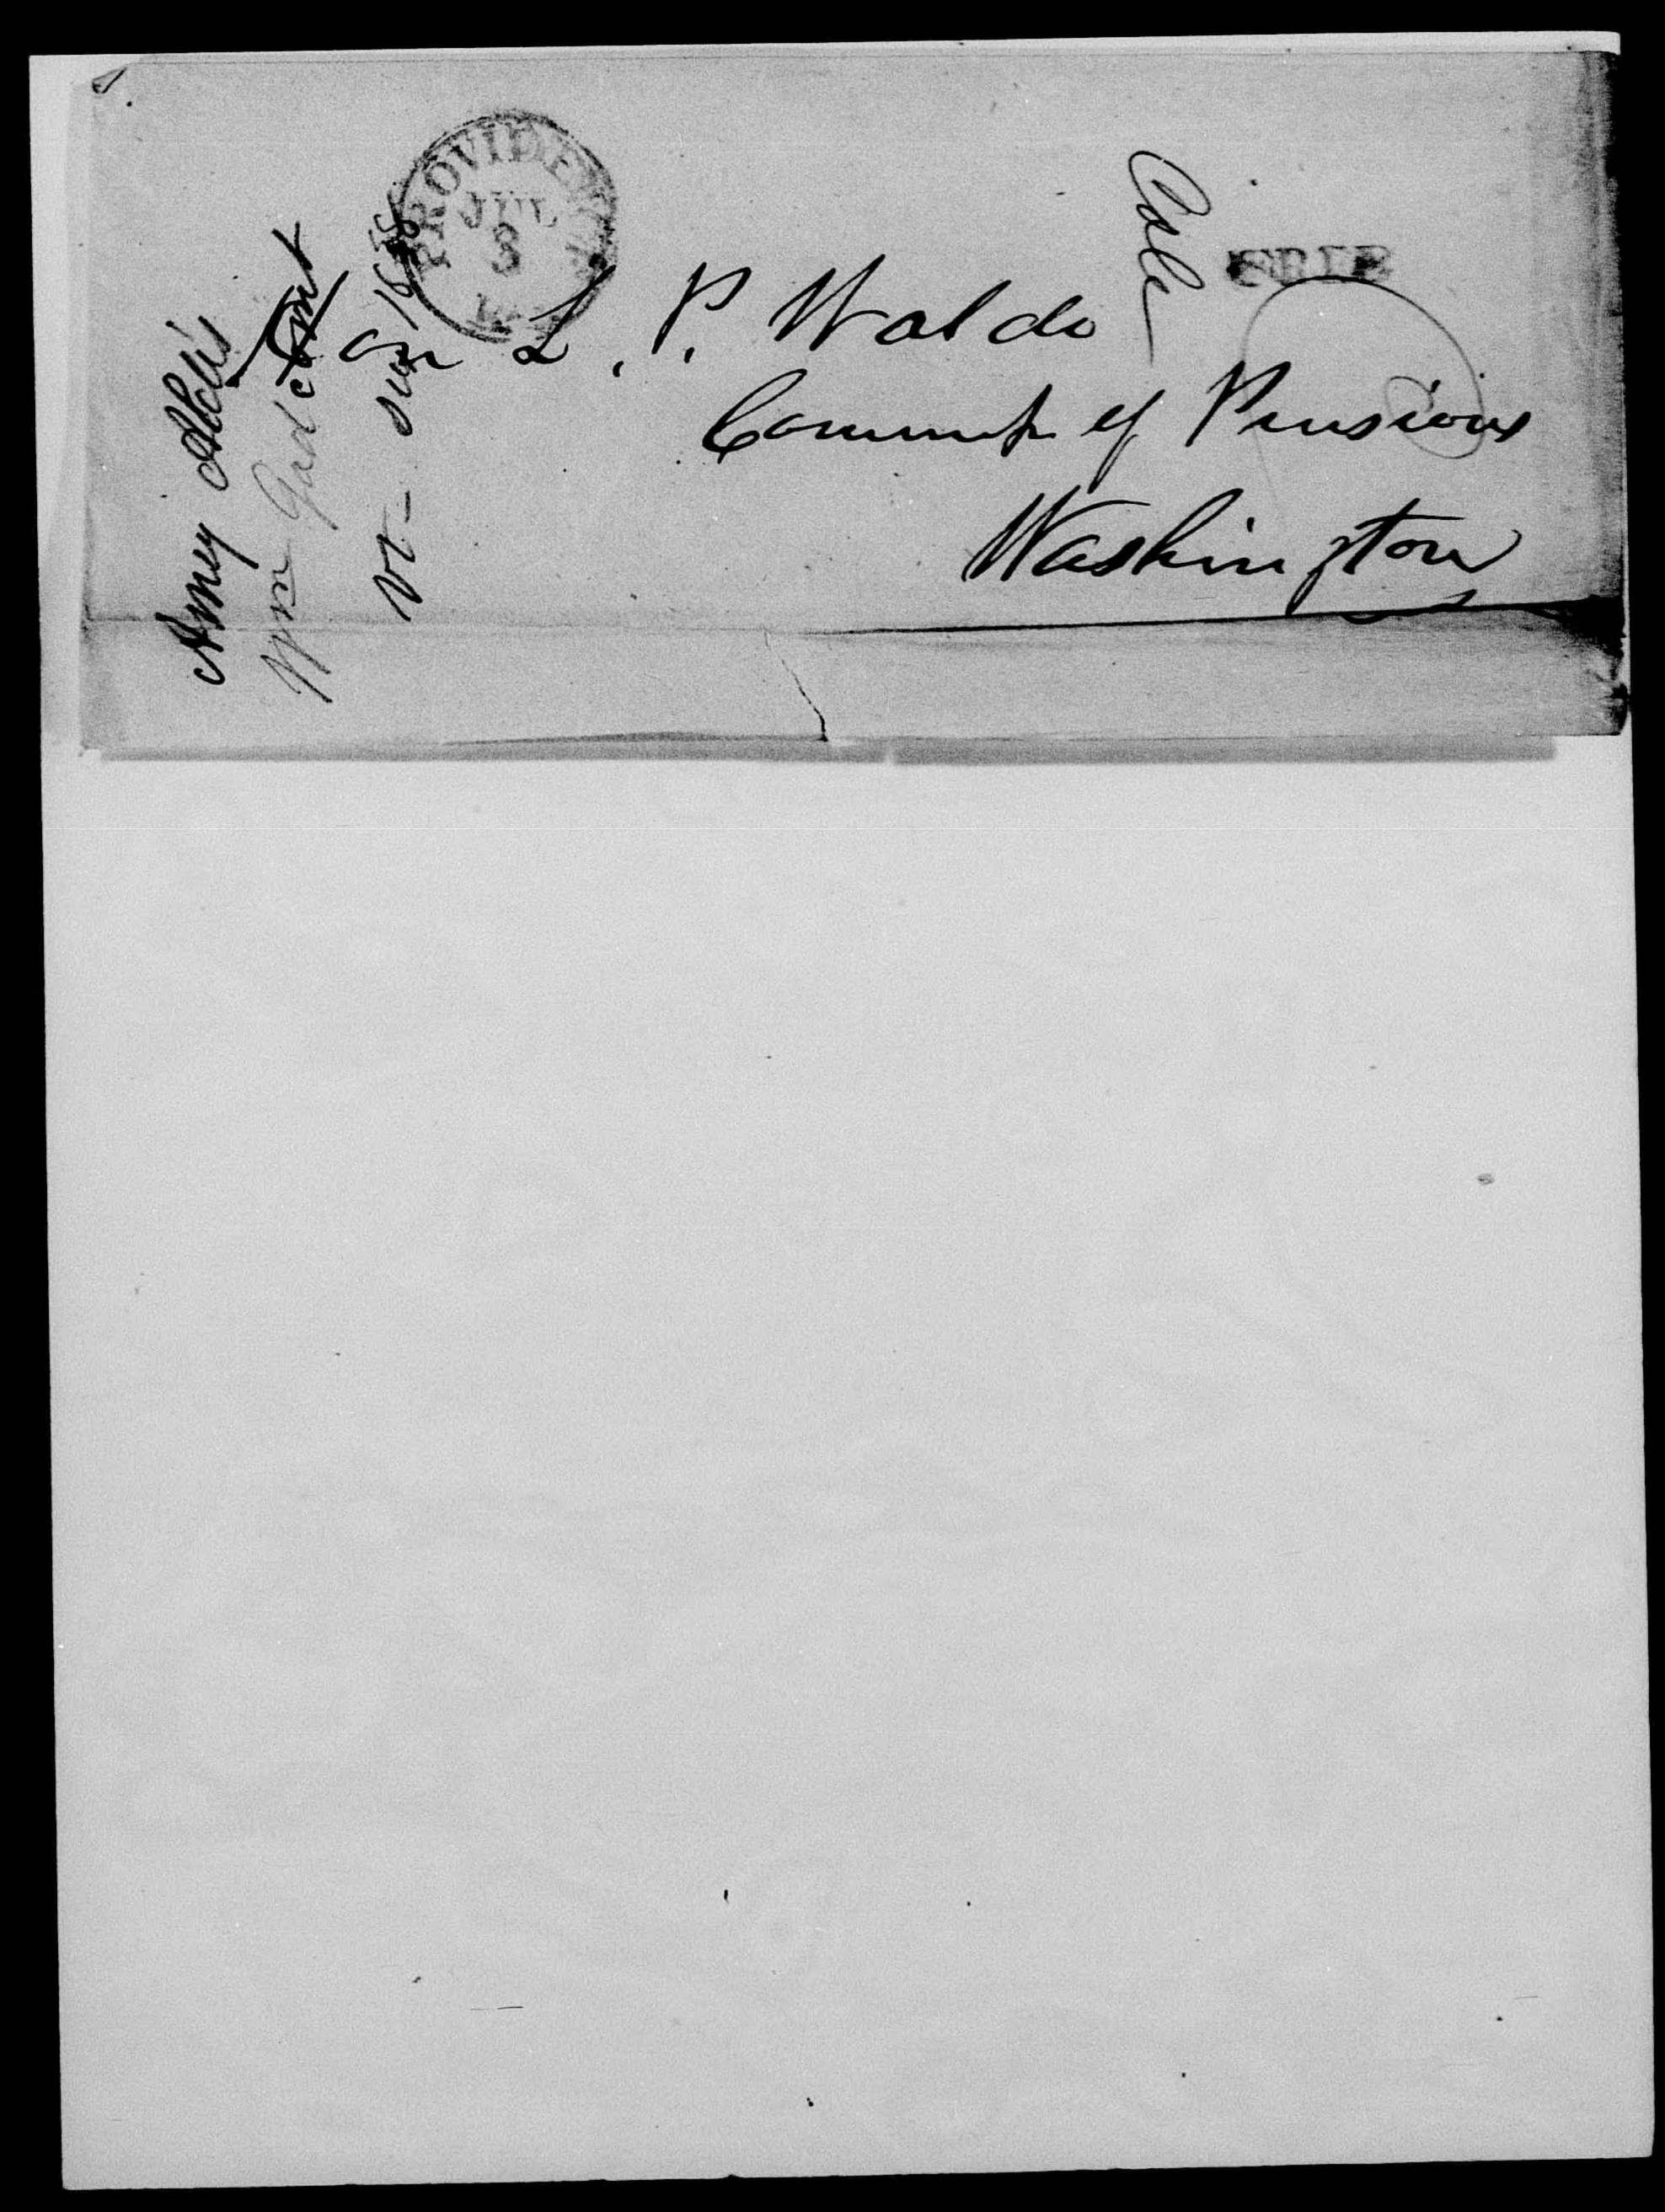[postmark]
Providence
Jul
3
[illegible]

Cole

FREE

Amey Aldis
Wm Gadcomb
Vt - Aug

Hon. L.P. Waldo
Commissr of Pensions
Washington DC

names: Wm Gadcomb, L P Waldo, Amey Aldis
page: 71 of 76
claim: widow's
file: W. 15,517, William Gadcomb, R.I.